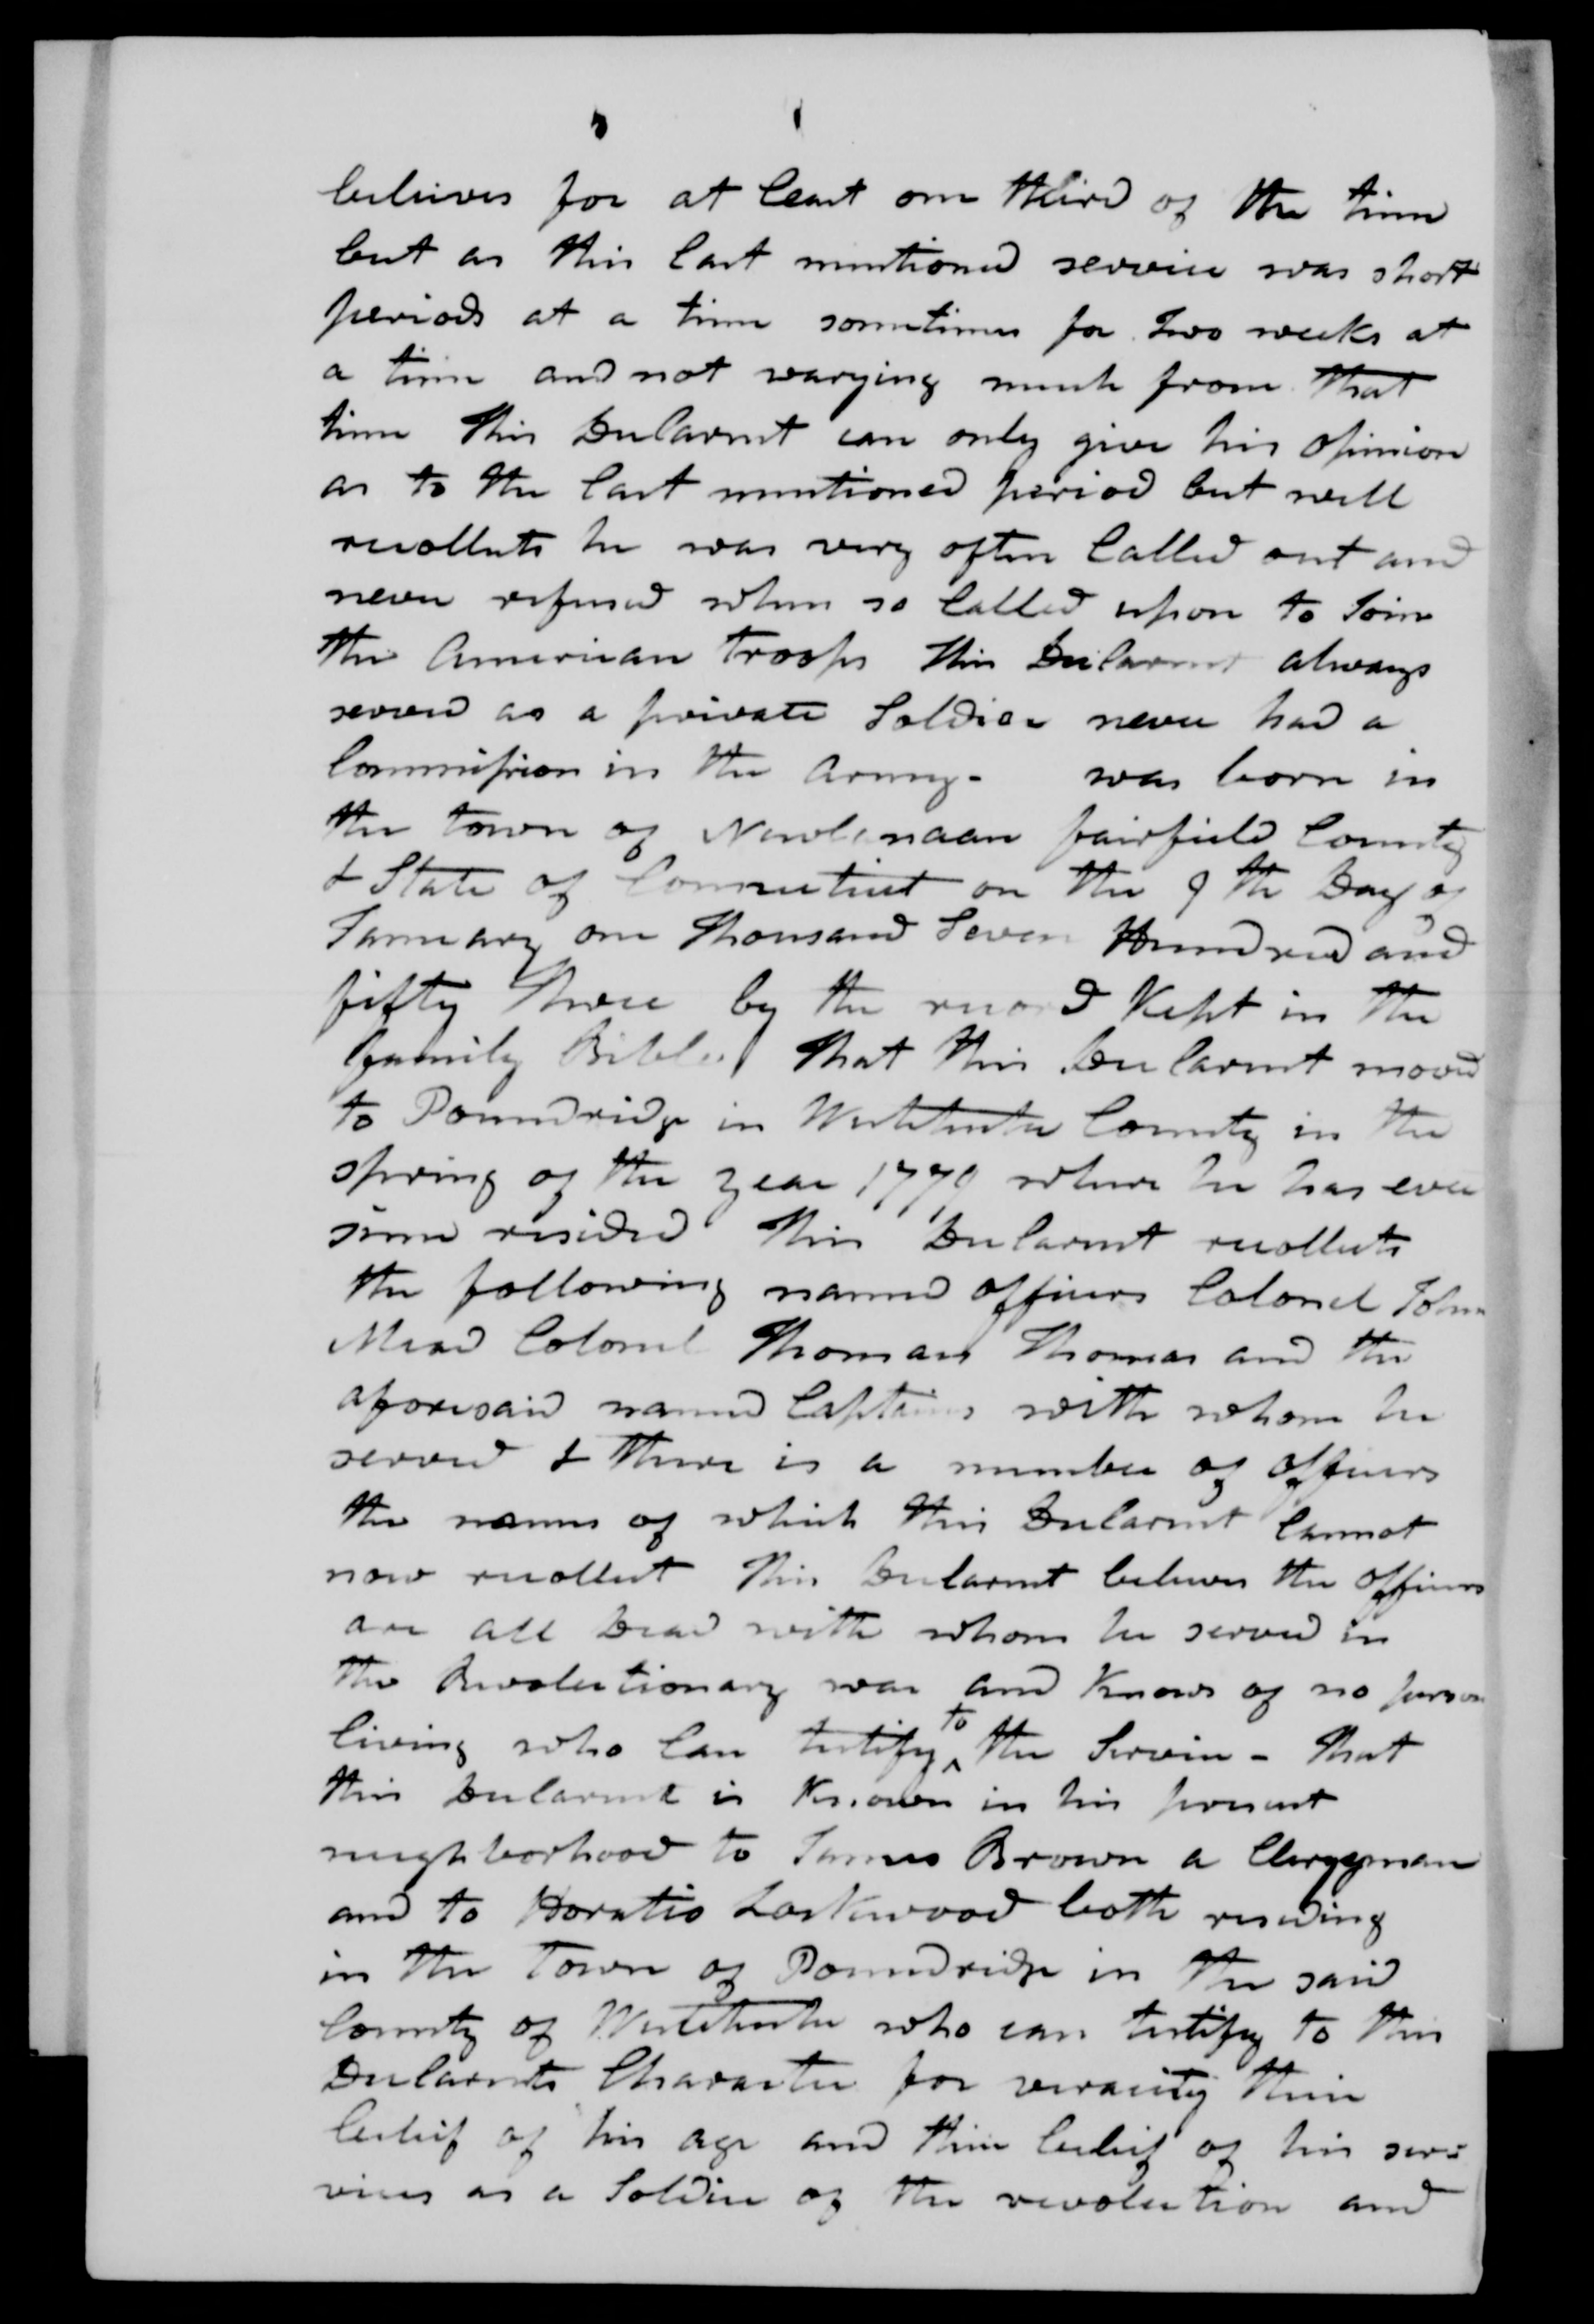believes for at least one third of the time but as this last mentioned service was short periods at a time sometimes for two weeks at a time and not varying much from that - him this Declarant can only give his opinion as to the last mentioned period but well recollects he was very often called out and never refused when so called upon to join the American troops.  This Declarant always served as a private Soldier never had a Commission in the Army.  Was born in the town of New Canaan Fairfield County & State of Connecticut on the 9th Day January one thousand Seven Hundred and fifty three by the record kept in the family Bible.  That this declarent moved to Poundridge in Westchester County in the spring of the year 1779 where he has ever since resided.  This Declarant recollects the following named officers: Colonel John Mead, Colonel Thomas Thomas and the aforesaid named Captains with whom he served & there is a number of Officers the names of which this Declarant cannot now recollect.  This declarant believes the officers are all dead with whom he served in the Revolutionary war and knows of no person living who can testify to the service.   That this declarant is known in his present neighborhood to James Brown a Clergyman and to Horatio Lockwood both residing in the town of Poundridge in the said County of Westchester who can testify to this Declarants Character for veracity then belief of his age and their belief of his services as a soldier of the revolution and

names: John Mead; Horatio Lockwood; James Brown; Thomas Thomas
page: 7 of 87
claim: widow's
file: W. 22,226, for Nathan Slawson, Connecticut